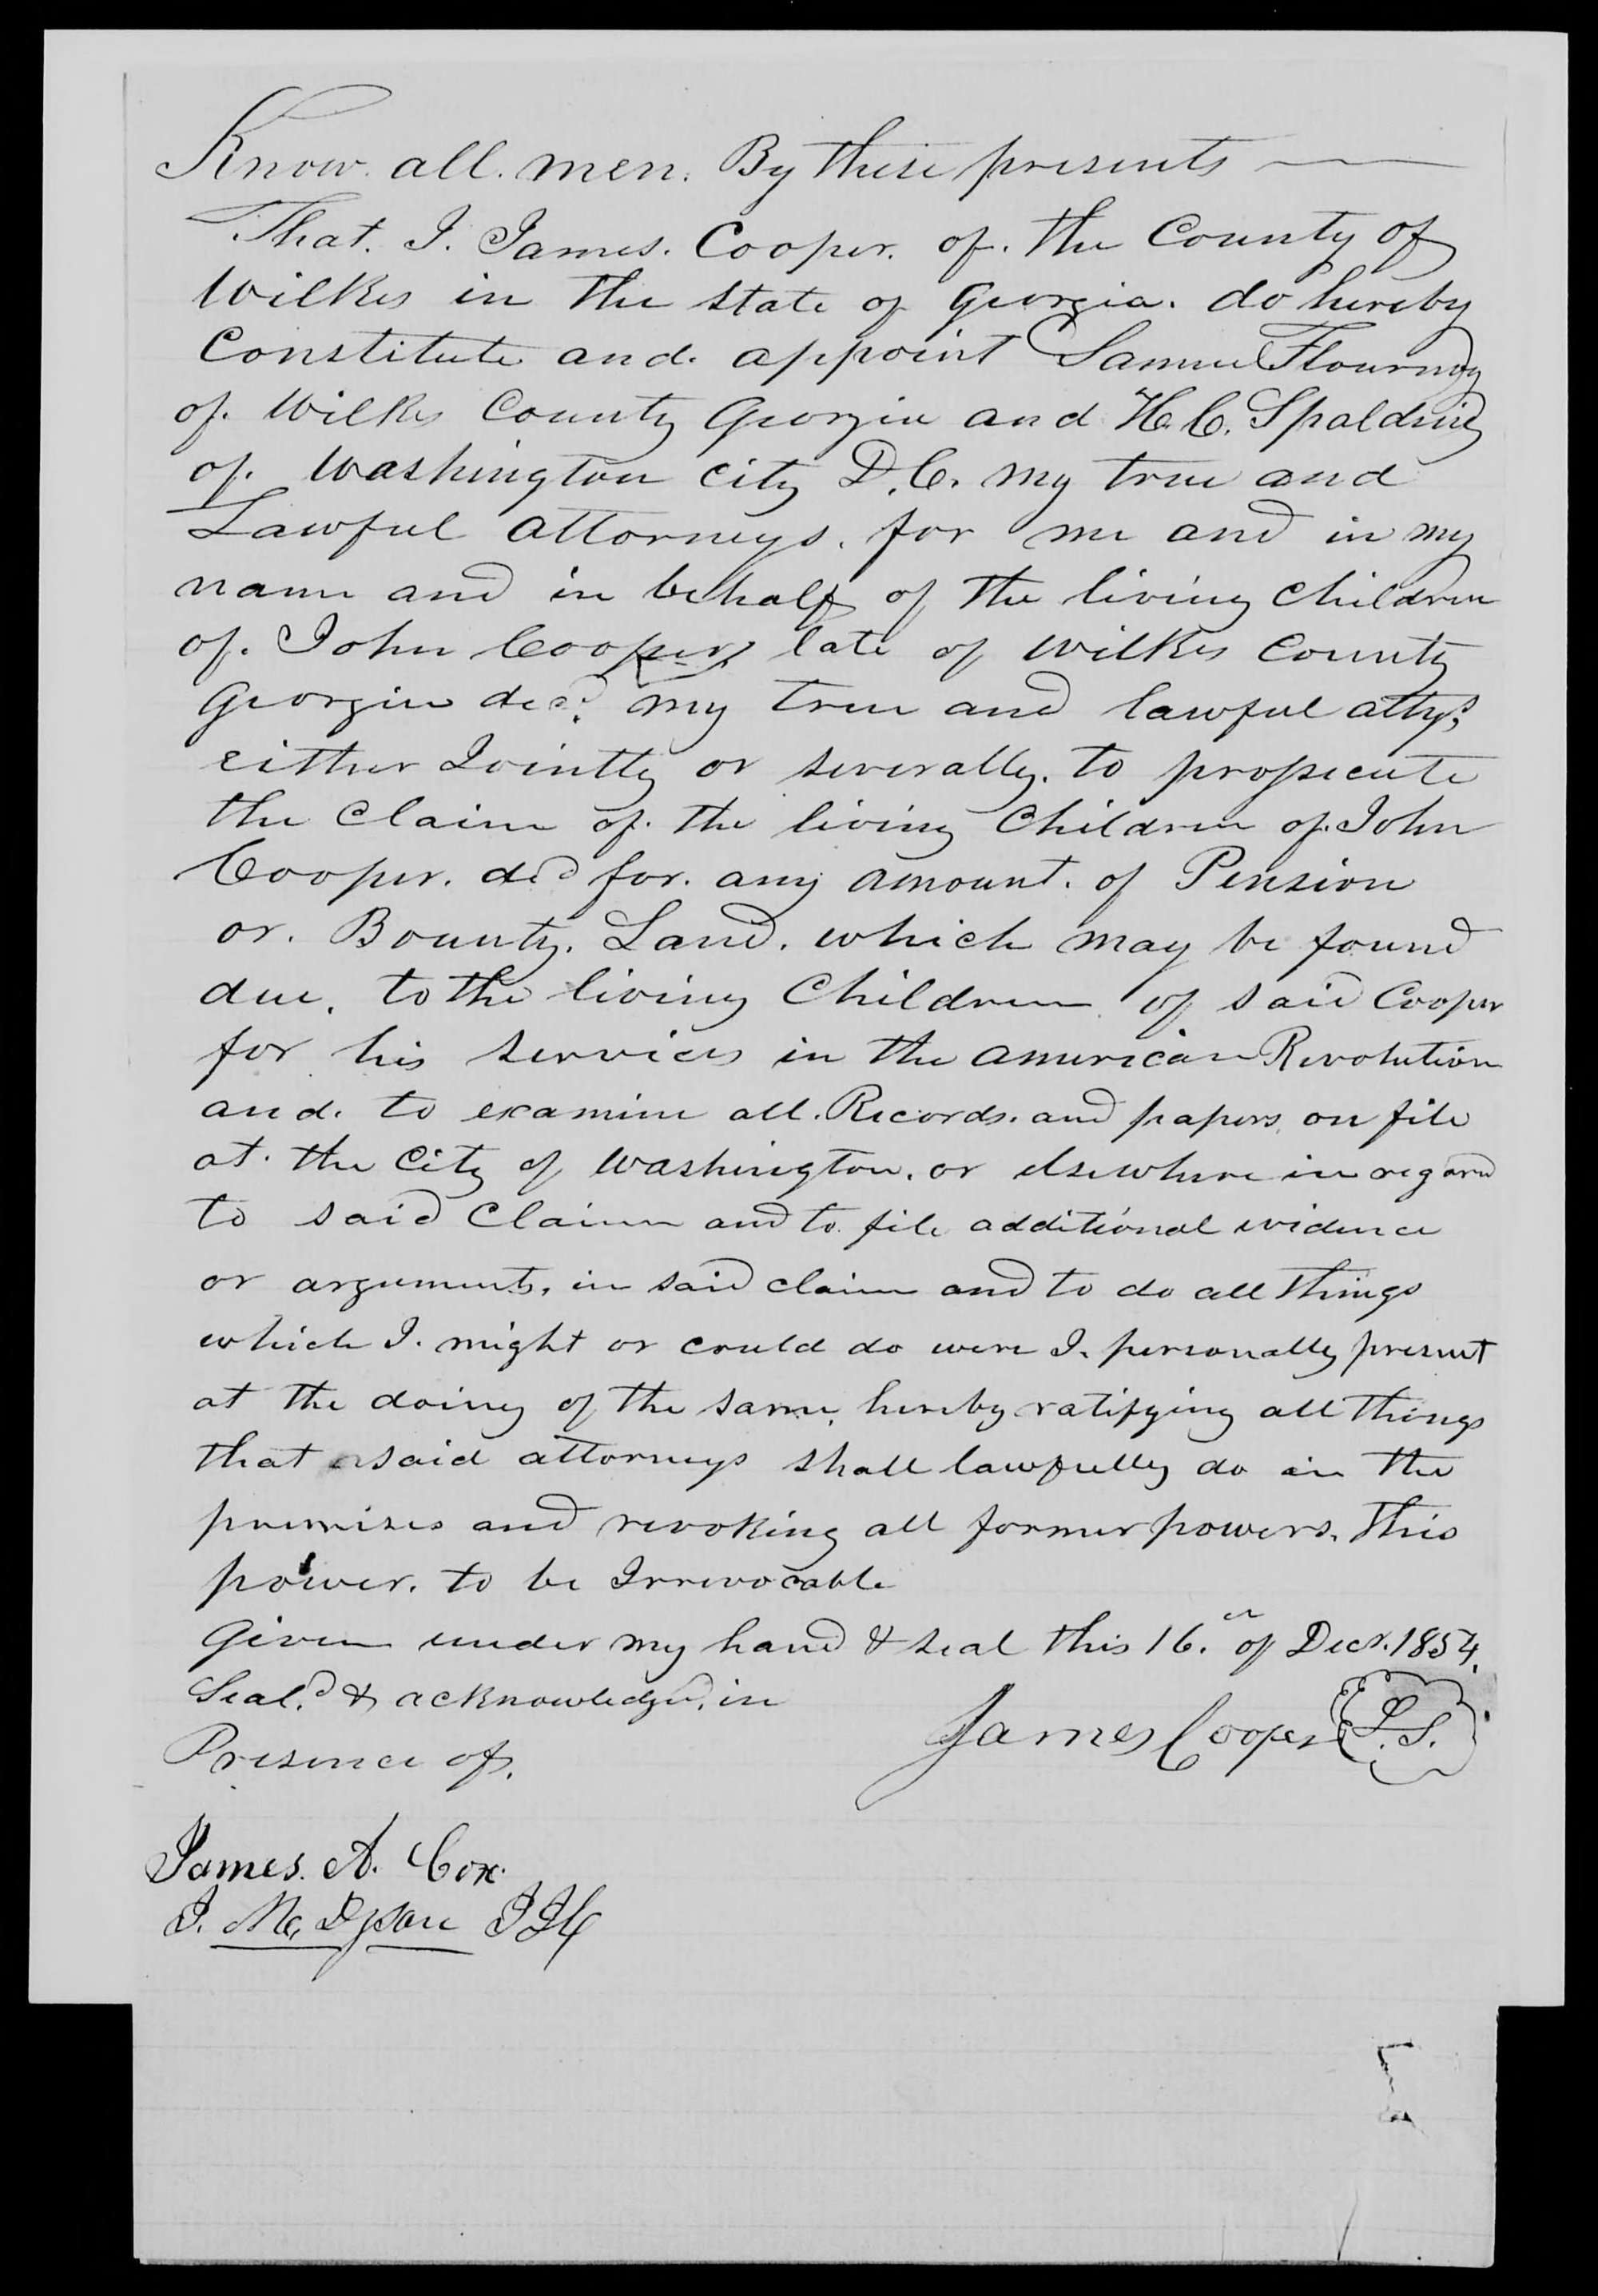Know all men. By these presents--
That I, James Cooper of the County of
Wilkes in the State of Georgia, do hereby
constitute and appoint Samuel Flourney of
Wilkes County Georgia and H. C. Spalding
of Washington City D.C. my true and
lawful attorney for me and in my
name and in behalf of the living children
of John Cooper late of Wilkes County
Georgia decd my true and lawful atty
either jointly or severally to prosecute [?]
the claim of the living children of John
Cooper, decd for any amount of Pension
or Bounty Land which may be found
due to the living children of said Cooper
for his services in the American Revolution
and to examine all Records, and papers on file
at the City of Washington or elsewhere in regard to said claim and to file additional evidence or arguments, in said claim and to do all things
which I might or could do were I personally present at the doing of the same hereby ratifying all things that said attorneys shall lawfully do in the premises and revoking all former powers, this power, to be irrevocable
Given under my hand & seal this 16 of Dec 1854.
James Cooper L.S.

Sealed & acknowledged in
Presence of
James Cooper
James A. Cox
J. M. Dysons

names: James A Cox, J M Dyson, James Cooper, Cooper, James Cooper, John Cooper, John Cooper, Samuel Flournoy, H C Spalding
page: 5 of 17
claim: rejected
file: R. 2,300, John Cooper, Va.